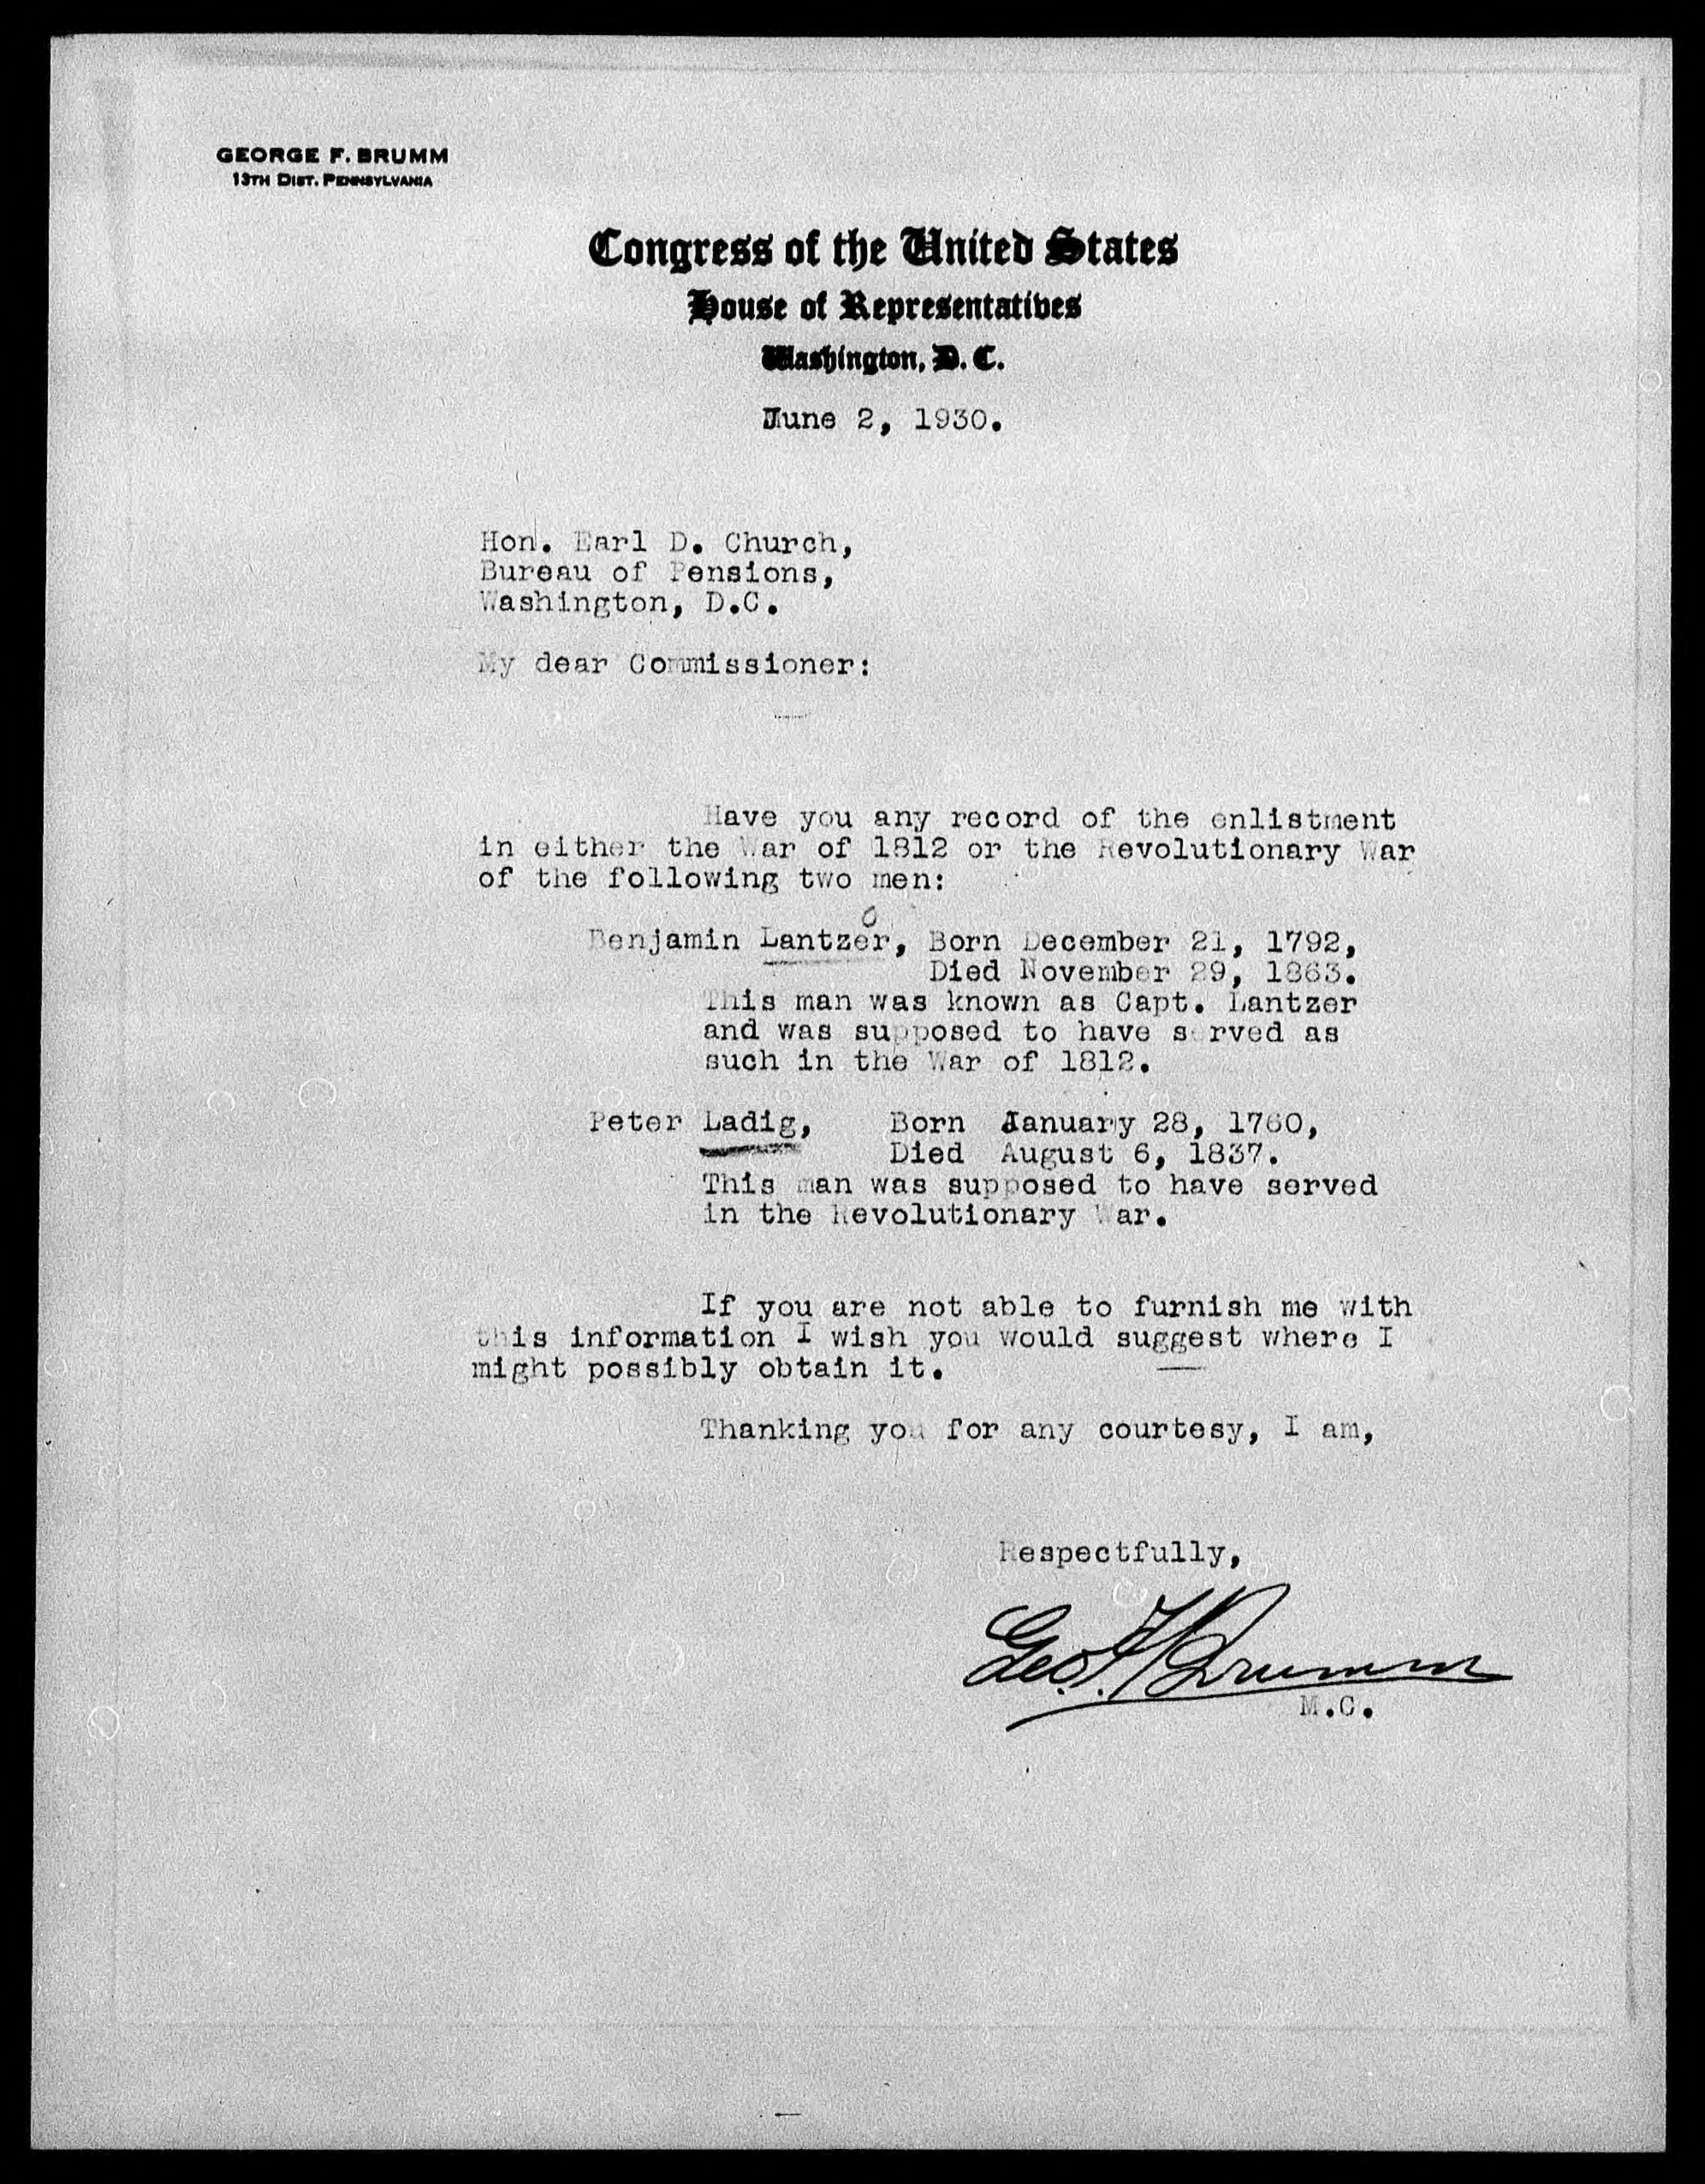GEORGE F. BRUMM
13th Dist. Pennsylvania



Congress of the United States
House of Representatives
Washington, D.C.
June 2, 1930.

Hon. Earl D. Church,
Bureau of Pensions,
Washington, D.C.

My dear Commissioner:

Have you any record of the enlistment in either the War of 1812 or the Revolutionary War of the following two men:

Benjamin Lantzer, Born December 21, 1792, Died November 29, 1863.  This man was known as Capt. Lantzer and was supposed to have served as such in the war of 1812.

Peter Ladig, Born January 28, 1860, Died August 6, 1837.  This man was supposed to have served in the Revolutionary War.

If you are not able to furnish me with this information I wish you would suggest where I might possibly obtain it.

Thanking you for any courtesy, I am,
Respectfully, 
Geo. F. Brumm [signature]
M.C.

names: George F Brumm; Earl D Church; Peter Ladig; Benjamin Lantzer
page: 13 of 17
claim: survivor's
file: S. 4499, for Peter Ladig, Pennsylvania